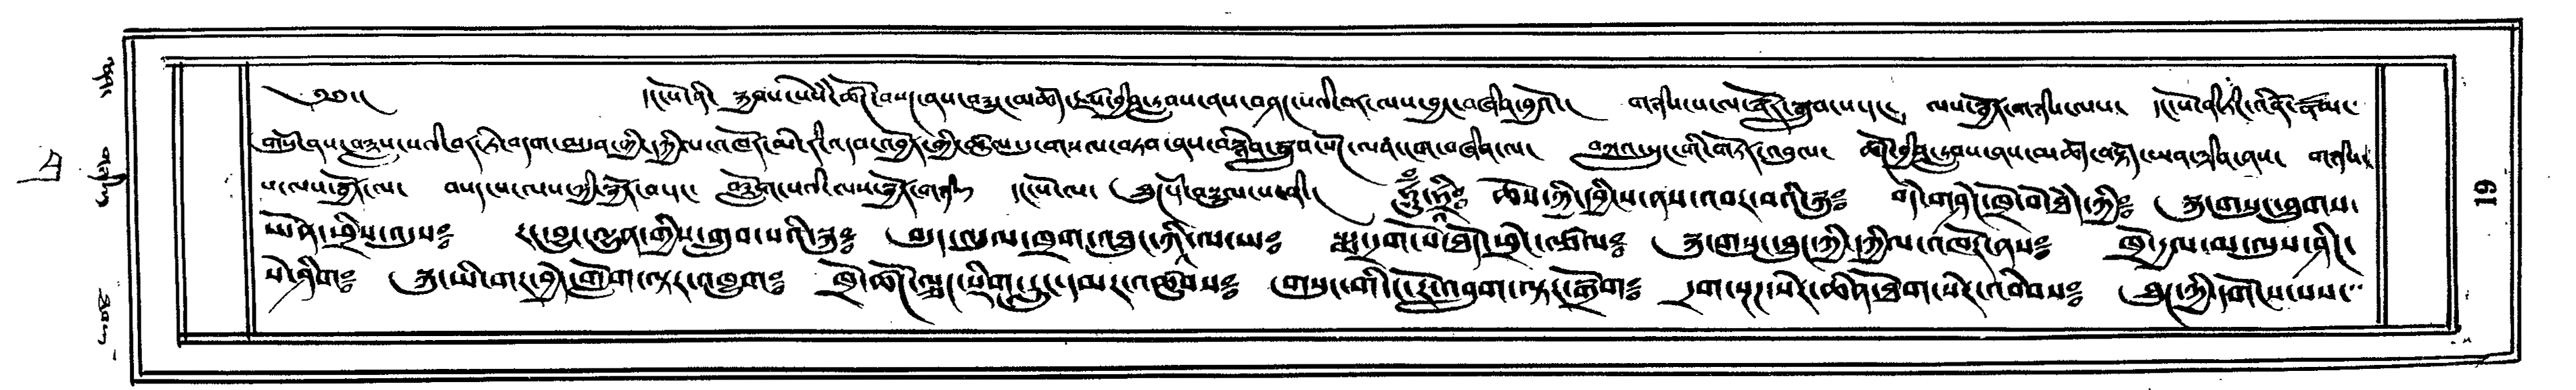དང་པོ་ནི། སྐྱབས་སེམས་ཚོགས་བསགས་ནས་བཟུང་མཆོད་རྫས་བྱིན་རླབས་ནས་བཤགས་པའི་བར་ལས་བྱང་བཞིན་བྱའོ། གཉིས་པ་ལ་རྣལ་འབྱོར་སྒྲུབ་པ་དང་་། ལས་སྦྱོར་གཉིས་ལས། དང་པོ་ནིེ་ཏིང་འཛིན་རྣམ་
གསུམ་ནས་བཟླས་པའི་བར་ཏེ་བདག་མདུན་གྱི་དཀྱིལ་འཁོར་མེ་རི་འདབ་སྦྱར་གྱི་ཚུལ་དུ་གསལ་བཏབ་ནས་བསྙེན་སྒྲུབ་སོགས་མན་ངག་བཞིན་ལ། བཀའ་སྲུང་གི་གཏོར་འབུལ། ཚོགས་བྱིན་རླབས་ནས་མཆོད་བསྟོད་ཡན་ཟིན་ནས། གཉིས་
པ་ལས་སྦྱོར་ལ། བསད་པ་ལས་ཀྱི་སྦྱོར་བ་དང་། བཟློག་པའི་ལས་སྦྱོར་གཉིས། དང་པོ་ལ། ཐུགས་དམ་བསྐུལ་པ་ནི། ཧཱུྃ་ཧྲཱིཿ ཆོས་ཀྱི་དབྱིངས་ནས་འབར་བའི་སྐུ༔ བདེ་གཤེགས་ཁྲོ་བོ་ཐམས་ཅད་ཀྱི༔ སྐུ་གསུང་ཐུགས་
ཡོན་ཕྲིན་ལས་འདུས༔རང་བྱུང་ལྷུན་གྱིས་གྲུབ་པའི་སྐུ༔ བདུད་འདུལ་ཁྲག་འཐུང་ཀཱི་ལ་ཡ༔ པདྨ་དྲག་པོ་ཐོད་ཕྲེང་རྩལ༔ སྐུ་གསུང་ཐུགས་ཀྱི་དཀྱིལ་འཁོར་ནས༔ ཁྲོ་རྒྱལ་མ་ལུས་ཤིགས་
སེ་ཤིག༔ སྐུ་ཡི་གར་བྱེད་གློག་ལྟར་འཁྱུག༔ ཁྲོ་ཚོགས་ལྕགས་སྡིག་རླུང་དམར་འཚུབ༔ གསུང་གི་ང་རོ་འབྲུག་ལྟར་སྒྲོག༔ དྲག་སྔགས་སེར་ཆེན་ཐོག་སེར་འབེབས༔ ཐུགས་ཀྱི་དགོངས་པས་